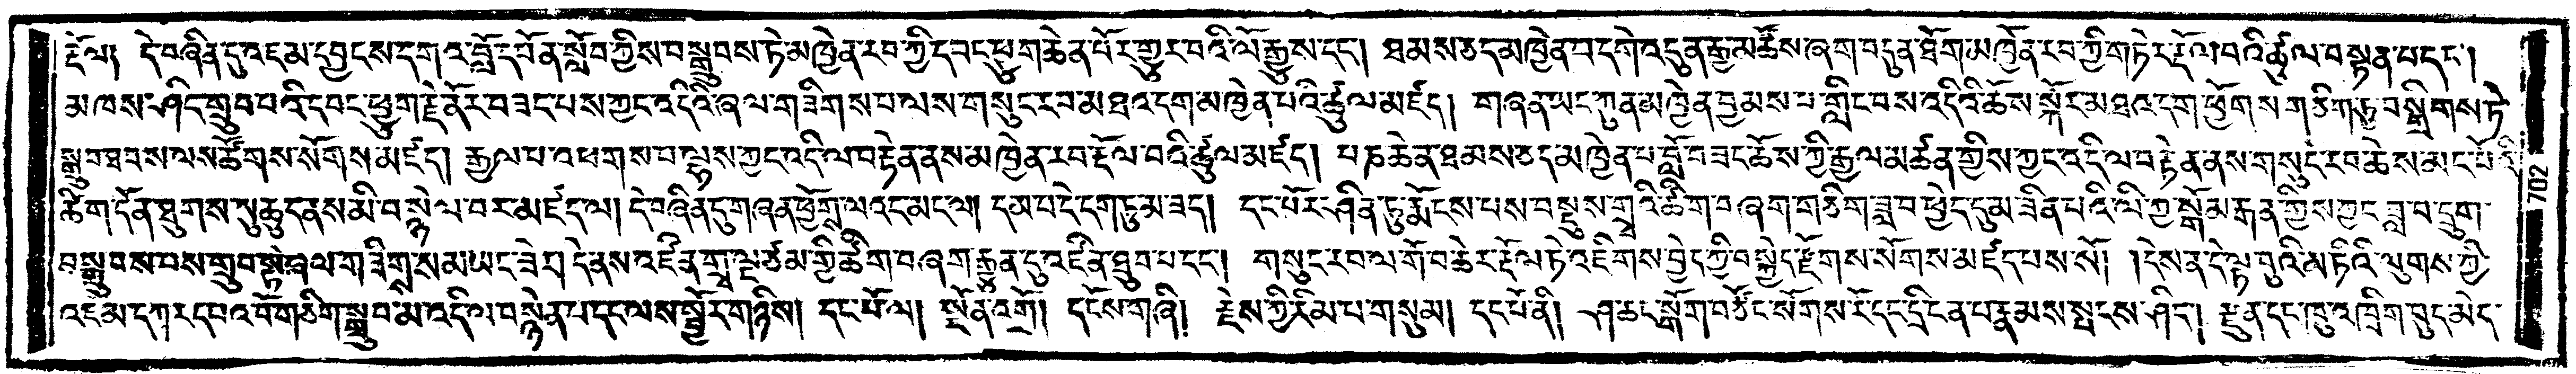རྡོལ། དེ་བཞིན་དུ་འཇམ་དབྱངས་དགའ་བློ་དཔོན་སློབ་ཀྱིས་བསྒྲུབས་ཏེ་མཁྱེན་རབ་ཀྱི་དབང་ཕྱུག་ཆེན་པོར་གྱུར་བའི་ལོ་རྒྱུས་དང་། ཐམས་ཅད་མཁྱེན་པ་དགེ་འདུན་རྒྱ་མཚོས་ཞག་བདུན་ཐོག་མཁྱེན་རབ་ཀྱི་གཏེར་རྡོལ་བའི་ཚུལ་བསྟན་པ་དང་།
མཁས་ཤིད་གྲུབ་པའི་དབང་ཕྱུག་རྗེ་ནོར་བཟང་པས་ཀྱང་འདིའི་ཞལ་གཟིགས་པ་ལས་གསུང་རབ་མཐའ་དག་མཁྱེན་པའི་ཚུལ་མཛད། གཞན་ཡང་ཀུན་མཁྱེན་བྱམས་པ་གླིང་བས་འདིའི་ཆོས་སྐོར་མཐའ་དག་ཕྱོགས་གཅིག་ཏུ་བསྒྲིགས་ཏེ་
སྒྲུབ་ཐབས་ལས་ཚོགས་སོགས་མཛད། རྒྱལ་པ་འཕགས་པ་ལྷས་ཀྱང་འདི་ལ་བརྟེན་ནས་མཁྱེན་རབ་རྡོལ་བའི་ཚུལ་མཛད། པཎ་ཆེན་ཐམས་ཅད་མཁྱེན་པ་བློ་བཟང་ཆོས་ཀྱི་རྒྱལ་མཚན་གྱིས་ཀྱང་འདི་ལ་བརྟེན་ནས་གསུང་རབ་ཆེས་མང་བོའི་
ཚིག་དོན་ཐུགས་སུ་ཆུད་ནས་མི་བསྙེལ་བར་མཛད་ལ། དེ་བཞིན་དུ་གཞན་ཕྱོགས་ལའང་མང་ལ། དམ་པ་དེ་དག་ཏུ་མ་ཟད། དང་པོར་ཤིན་ཏུ་རྨོངས་པས་བསྡུས་གྲྭའི་ཚིག་བཞག་གཅིག་ཟླ་བ་ཕྱེད་དུ་མ་ཟིན་པའི་ལི་ཀྱ་སྒོམ་རྒན་གྱིས་ཀྱང་སླབ་དྲུག་
བསྒྲུངས་པས་གྲུབ་སྟ་ཞལ་གཟིགས་མ་ཡང་ཟེར། དེ་ནས་འཛིན་གྲྭ་ལྔ་ཙམ་གྱི་ཚིག་བཞག་རྒྱུན་དུ་འཛིན་ཐུབ་པ་དང་། གསུང་རབ་ལ་གོ་བ་ཆེར་རྡོལ་ཏེ་འཇིགས་བྱེད་ཀྱི་བསྐྱེད་རྫོགས་སོགས་མཛད་པས་སོ། །དེས་ན་དེ་ལྟ་བུ་འདི་ཏིའི་ལུགས་ཀྱི་
འཇམ་དཀར་དཔའ་བོ་གཅིག་སྒྲུབ་མ་འདི་ལ་བསྙེན་པ་དང་ལས་སྦྱོར་གཉིས། དང་པོ་ལ། སྔོན་འགྲོ། དངོས་གཞི། རྗེས་ཀྱི་རིམ་པ་གསུམ། དང་པོ་ནི། ཤ་ཆང་སྒོག་བཙོང་སོགས་རོ་དང་དྲི་ངན་པ་རྣམས་སྤངས་ཤིང་། རྫུན་དང་ཁུ་འཁྲིག་བུང་མེད་